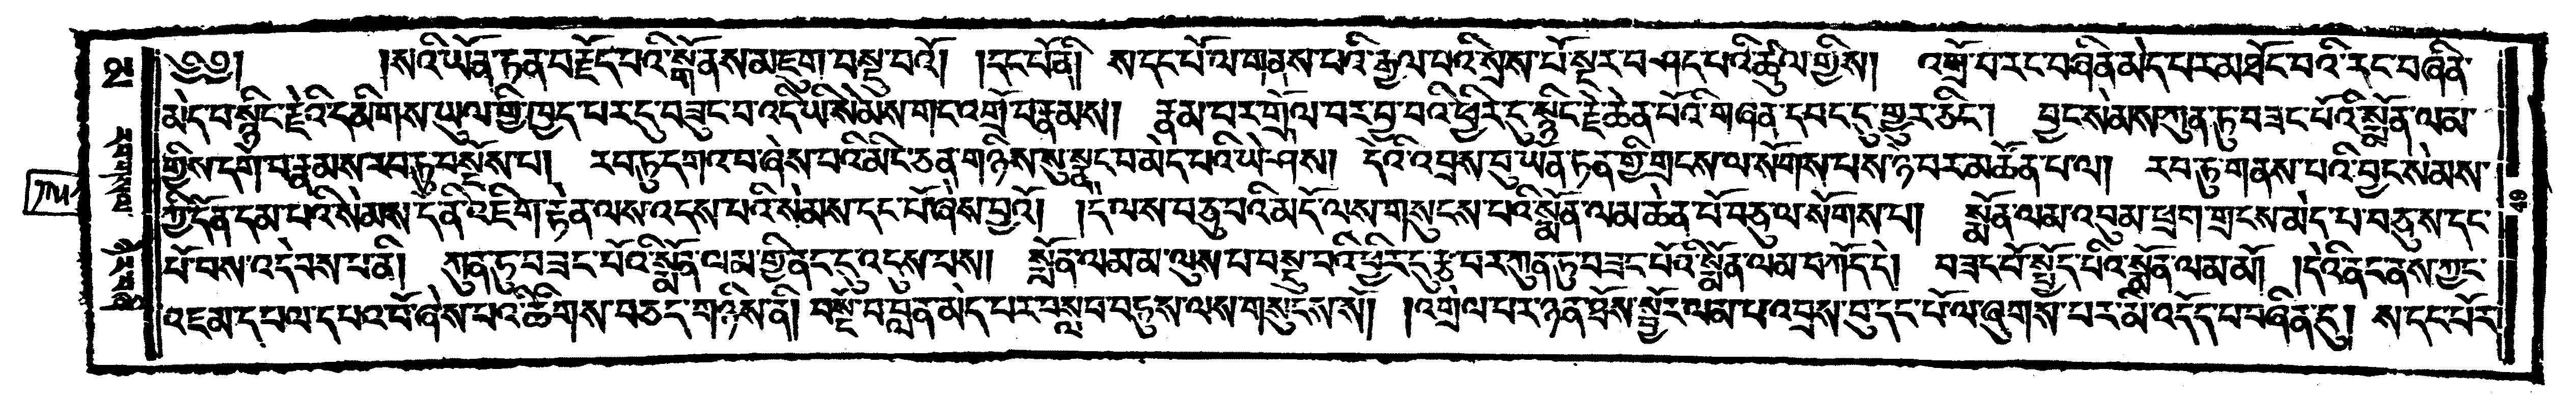༄༅། །སའི་ཡོན་ཏན་བརྗོད་པའི་སྒོ་ནས་མཇུག་བསྡུ་བའོ། །དང་པོ་ནི། ས་དང་པོ་ལ་གནས་པའི་རྒྱལ་བའི་སྲས་པོ་སྔར་བཤད་པའི་ཚུལ་གྱིས། འགྲོ་བ་རང་བཞིན་མེད་པར་མཐོང་བའི་རང་བཞིན་
མེད་པ་སྙིང་རྗེའི་དམིགས་ཡུལ་གྱི་ཁྱད་པར་དུ་བཟུང་བ་འདི་ཡི་སེམས་གང་འགྲོ་བ་རྣམས། རྣམ་པར་གྲོལ་བར་བྱ་བའི་ཕྱིར་དུ་སྙིང་རྗེ་ཆེན་པོའི་གཞན་དབང་དུ་གྱུར་ཅིང་། བྱང་སེམས་ཀུན་ཏུ་བཟང་པོའི་སྨོན་ལམ་
གྱིས་དགེ་བ་རྣམས་རབ་ཏུ་བསྔོས་པ། རབ་ཏུ་དགའ་བ་ཞེས་པའི་མིང་ཅན་གཉིས་སུ་སྣང་བ་མེད་པའི་ཡེ་ཤེས། དེའི་འབྲས་བུ་ཡོན་ཏན་གྱི་གྲངས་ལ་སོགས་པས་ཉེ་བར་མཚོན་པ་ལ། རབ་ཏུ་གནས་པའི་བྱང་སེམས་
ཀྱི་དོན་དམ་པའི་སེམས་དེ་ནི་འཇིག་རྟེན་ལས་འདས་པའི་སེམས་དང་པོ་ཞེས་བྱའོ། །དེ་ལ་ས་བཅུ་པའི་མདོ་ལས་གསུངས་པའི་སྨོན་ལམ་ཆེན་པོ་བཅུ་ལ་སོགས་པ། སྨོན་ལམ་འབུམ་ཕྲག་གྲངས་མེད་པ་བཅུ་ས་དང་
པོ་བས་འདེབས་པ་ནི། ཀུན་ཏུ་བཟང་པོའི་སྨོན་ལམ་གྱི་ནང་དུ་འདུས་པས། སྨོན་ལམ་མ་ལུས་པ་བསྡུ་བའི་ཕྱིར་དུ་རྩ་བར་ཀུན་ཏུ་བཟང་པོའི་སྨོན་ལམ་བཀོད་དེ། བཟང་པོ་སྤྱོད་པའི་སྨོན་ལམ་མོ། །དེའི་ནང་ནས་ཀྱང་
འཇམ་དཔལ་དཔའ་བོ་ཞེས་པའི་ཚིགས་བཅད་གཉིས་ནི། བསྔོ་བ་བླ་ན་མེད་པར་བསླབ་བཏུས་ལས་གསུངས་སོ། །འགྲེལ་བར་ཉན་ཐོས་སྦྱོར་ལམ་པ་འབྲས་བུ་དང་པོ་ལ་ཞུགས་པར་མི་འདོད་པ་བཞིན་དུ། ས་དང་པོར་